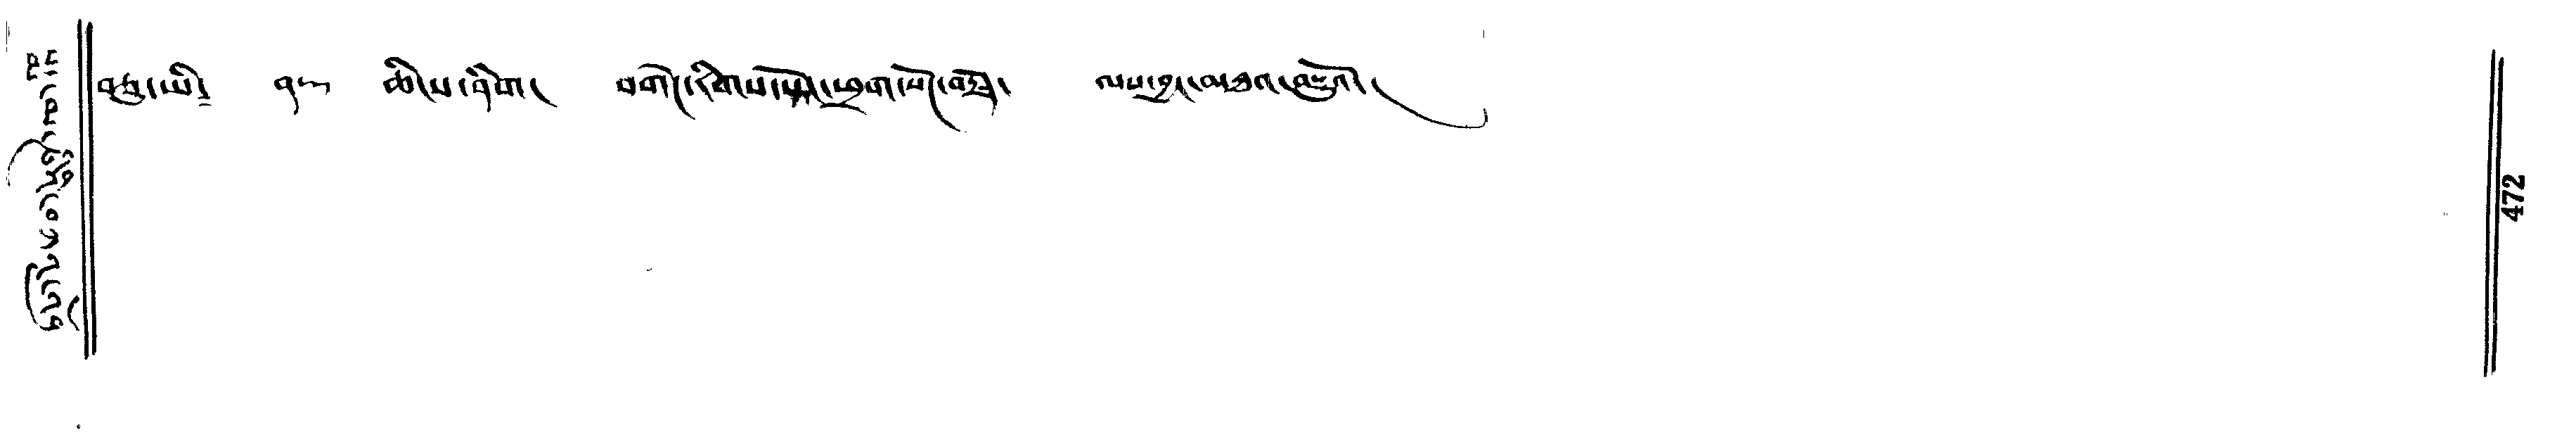བཅུཔཡི༴ ནས། ཆིངསཔཤིག བགེགསཔརིགསཔསྟོངཔཕྲག༴ སོགསཔབརྗོད། ལསཔབྱངཔམཐའཔབསྡུའོ།། བཀྲཔཤིས།།